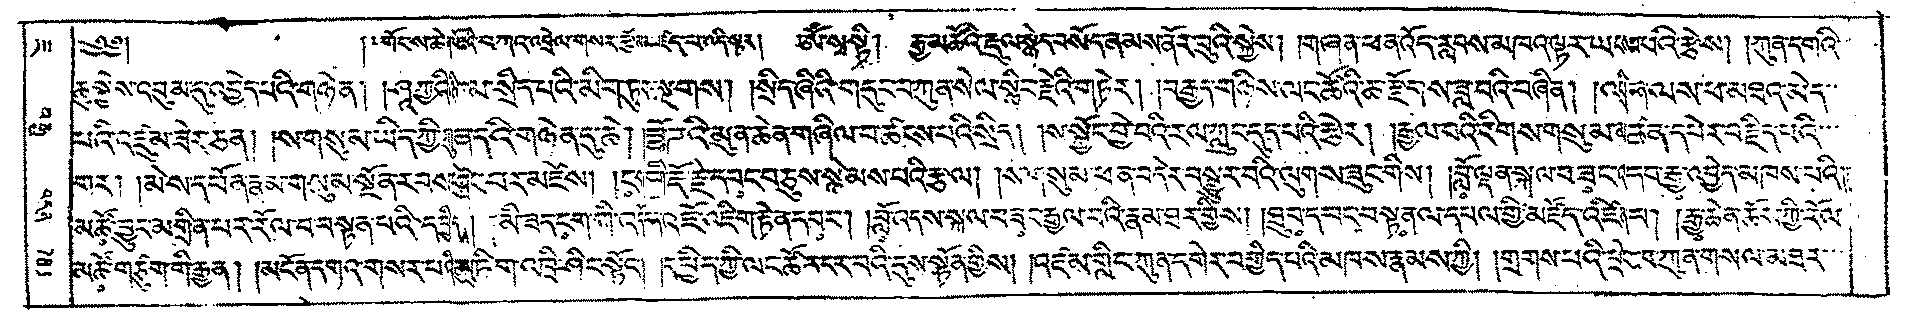༄༅། །༧གོང་ས་ཆེན་པོའི་བཀའ་འབྲེལ་གསར་རྩོམ་མཛད་པ་འདི་ལྟར། ཨོཾ་སྭ་སྟི། རྒྱ་མཚོའི་རྡུལ་སྙེད་བསོད་ནམས་ནོར་བུའི་སྐྱེས། །གཞན་ཕན་འོད་རླབས་མཁའ་ལྟར་ཡངས་པའི་རྩེས། །ཀུན་དགའི་
ཆུ་སྐྱེས་འབུམ་དུ་འབྱེད་པའི་གཉེན། །ཤཱཀྱའི་ཉི་མ་སྲིད་པའི་མིག་ཏུ་བསྔགས། །སྲིད་ཞིའི་གདུང་བ་ཀུན་སེལ་སྙིང་རྗེའི་གཏེར། །བརྒྱད་གཉིས་ལང་ཚོའི་ཆ་རྫོགས་ཟླ་བའི་བཞིན། །འཕྲིན་ལས་ཕ་མཐའ་མེད་
པའི་འཛུམ་ཟེར་ཅན། །ས་གསུམ་ཡིད་ཀྱི་ཀུན་དའི་གཉེན་དུ་ཆེ། །བྷོ་ཌའི་མུན་ཆེན་གཞིལ་བ་ཚངས་པའི་སྲིད། །ས་སྐྱོང་བྱེ་བའི་རལ་ཀླུང་དུད་པའི་རྩེར། །རྒྱལ་བའི་རིགས་གསུམ་མཚན་དཔེར་བརྗིད་པའི་
གར། །མེས་དབོན་རྣམ་གསུམ་སྔོན་རབས་ཕྲེང་བར་མཛེས། །ངག྾་གི་རྡོ་རྗེ་དབང྾་བཅུས་སྙེམས་པའི་རྩལ། །ས་གསུམ་ཕན་བདེར་བསྒྱུར་བའི་ལུགས་ཟུང་གིས། །བློ྾་ལྡན་སྐལ་བཟང྾་འདབ་རྒྱ྾་འབྱེད་མཁས་པའི། །
མཚོ྾་བྱུང་མགྲིན་པར་རོལ་བ་བསྟན་པའི་དཔྱིད། །མི་ཟད་ངག྾་གི་འདོད་འཇོ་འཇིག་རྟེན་དབང྾། །བློ྾་འདས་སྐལ་བཟང྾་རྒྱལ་བའི་རྣམ་ཐར་གྱིས། །ཐུབ྾་དབང་བསྟན྾་ལ་དཔལ་གྱི་མཛོད་འཛིན་པ། །རྒྱ྾་ཆེན་ཆོས་ཀྱི་རོལ་
མཚོ྾་གཙུག་གི་རྒྱན། །མངོན་དགའ་གསར་པའི་མུ་ཏིག་འཁྲི་ཤིང་སྟོང་། །དཔྱིད་ཀྱི་ལང་ཚོར་ངར་བའི་དུས་སྟོན་གྱིས། །འཛམ་གླིང་ཀུན་དགེར་བགྱིད་པའི་མཁས་རྣམས་ཀྱི། །གྲགས་པའི་ཕྲེང་བ་ཀུན་གསལ་མཐར་